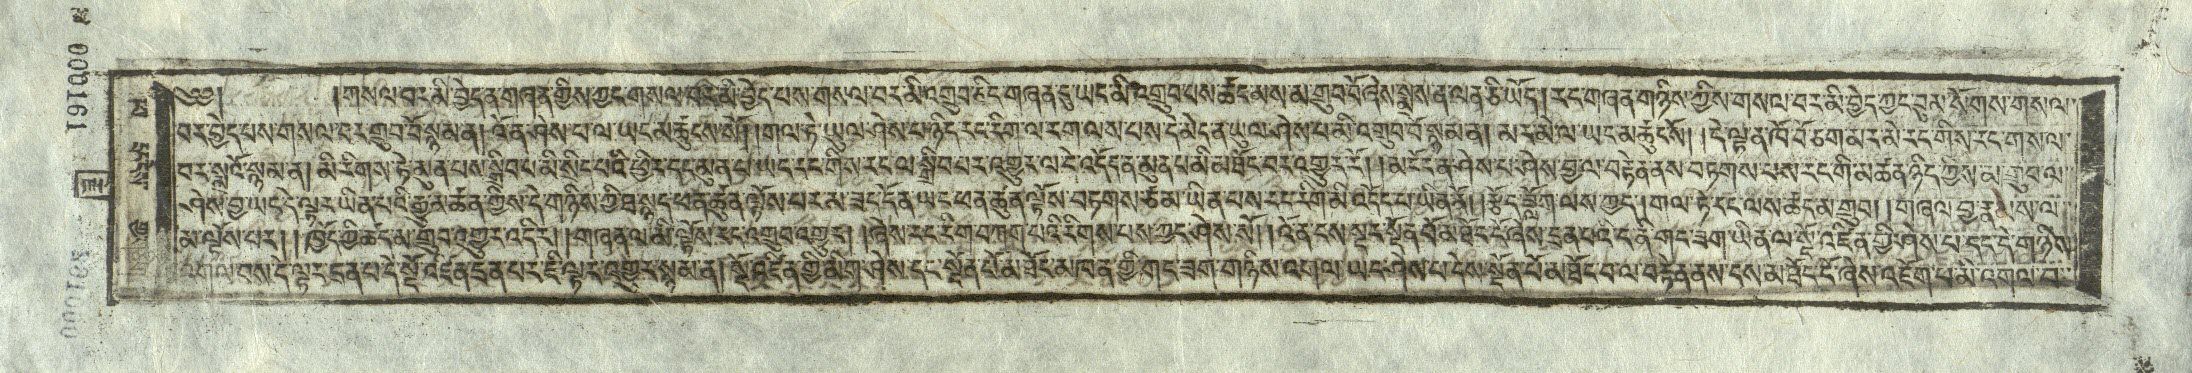༄༅། །གསལ་བར་མི་བྱེད་ན་གཞན་གྱིས་ཀྱང་གསལ་བར་མི་བྱེད་པས་གསལ་བར་མི་འགྲུབ་ཅིང་གཞན་དུ་ཡང་མི་འགྲུབ་པས་ཚད་མས་མ་གྲུབ་བོ་ཞེས་སྨྲས་ན་ལན་ཅི་ཡོད། རང་གཞན་གཉིས་ཀྱིས་གསལ་བར་མི་བྱེད་ཀྱང་བུམ་སོགས་གསལ་
བར་བྱེད་པས་གསལ་བར་གྲུབ་བོ་སྙམ་ན། འོ་ན་ཤེས་པ་ལ་ཡང་མཚུངས་སོ། །གལ་ཏེ་ཡུལ་ཤེས་པ་ཉིད་རང་རིག་ལ་རག་ལས་པས་དེ་མེད་ན་ཡུལ་ཤེས་པ་མི་འགྲུབ་བོ་སྙམ་ན། མར་མེ་ལ་ཡང་མཚུངས་སོ། །དེ་ལྟ་ན་ཁོ་བོ་ཅག་མར་མེ་རང་གིས་རང་གསལ་
བར་སྨྲའོ་སྙམ་ན། མི་རིགས་ཏེ་མུན་པས་སྒྲིབ་པ་མི་སྲིད་པའི་ཕྱིར་དང་མུན་པ་ཡང་རང་གིས་རང་ལ་སྒྲིབ་པར་འགྱུར་ལ་དེ་འདོད་ན་མུན་པ་མི་མཐོང་བར་འགྱུར་རོ། །མདོར་ན་ཤེས་པ་ཤེས་བྱ་ལ་བརྟེན་ནས་བཏགས་པས་རང་གི་མཚན་ཉིད་ཀྱིས་མ་གྲུབ་ལ་
ཤེས་བྱ་ཡང་དེ་ལྟར་ཡིན་པའི་རྒྱུ་མཚན་གྱིས་དེ་གཉིས་ཀྱི་ཐ་སྙད་ཕན་ཚུན་ལྟོས་པར་མ་ཟད་དོན་ཡང་ཕན་ཚུན་ལྟོས་བཏགས་ཙམ་ཡིན་པས་རང་རིག་མི་འདོད་པ་ཡིན་ནོ། །རྩོད་ཟློག་ལས་ཀྱང་། གལ་ཏེ་རང་ལས་ཚད་མ་གྲུབ། །གཞལ་བྱ་རྣམས་ལ་
མ་ལྟོས་པར། །ཁྱོད་ཀྱི་ཚད་མ་གྲུབ་འགྱུར་འདིར། །གཞན་ལ་མི་ལྟོས་རང་འགྲུབ་འགྱུར། །ཞེས་རང་རག་བཀག་པའི་རིགས་པས་ཀྱང་ཤེས་སོ། །འོ་ན་ངས་སྔར་སྔོན་པོ་མཐོང་ངོ་ཞེས་དྲན་པའི་ང་ནི་གང་ཟག་ཡིན་ལ་སྔོ་འཛིན་གྱི་ཤེས་པ་དང་དེ་གཉིས་
འགལ་བས་དེ་ལྟར་དྲན་པ་དེ་སྔོ་འཛིན་དྲན་པར་ཇི་ལྟར་འགྱུར་སྙམ་ན། སྔོ་འཛིན་གྱི་མིག་ཤེས་དང་སྔོན་པོ་མཐོང་མཁན་གྱི་གང་ཟག་གཉིས་འགལ་ཡང་ཤེས་པ་དེས་སྔོན་པོ་མཐོང་བ་ལ་བརྟེན་ནས་ངས་མཐོང་ངོ་ཞེས་འཇོག་པ་མི་འགལ་བ་